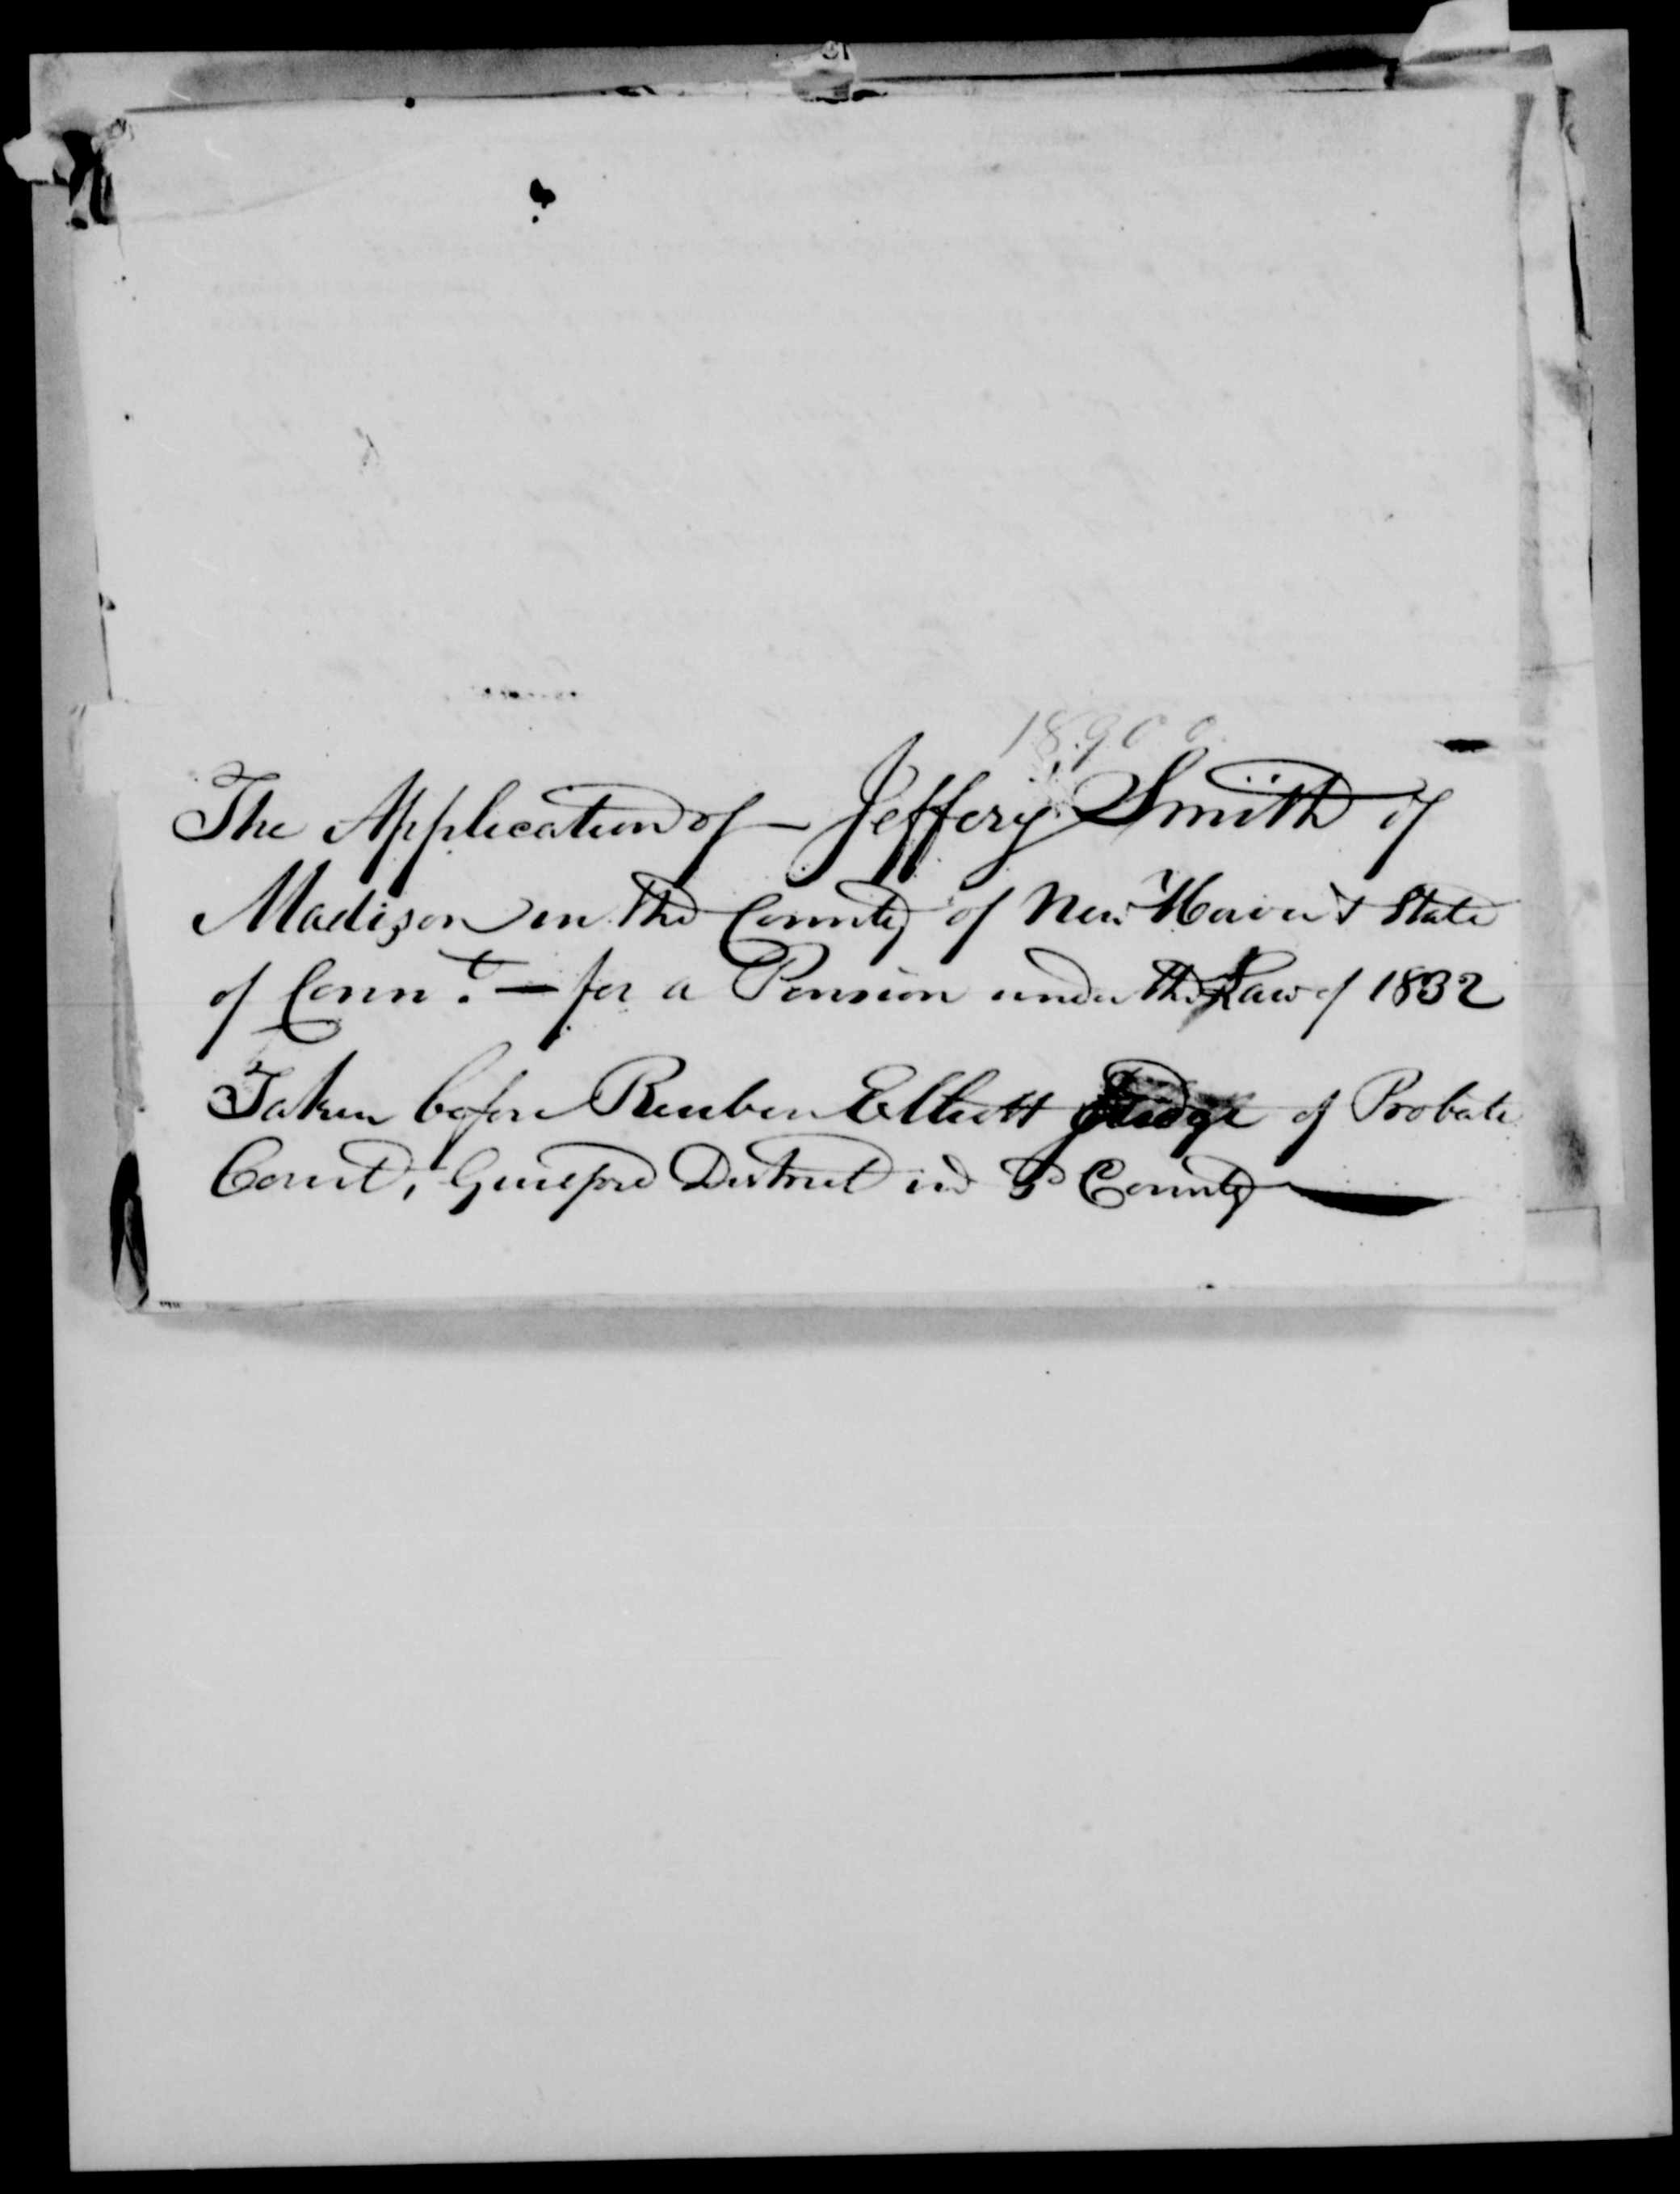The Application of Jeffery Smith of Madison in the County of New Haven & State of Conn. for a Pension under the law of 1832
Taken before Reuben Elliott Judge of Probate
Court, Guilford District and County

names: Jeffery Smith; Reuben Elliott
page: 10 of 19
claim: survivor's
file: S. 16250, for Jeffery Smith, Connecticut